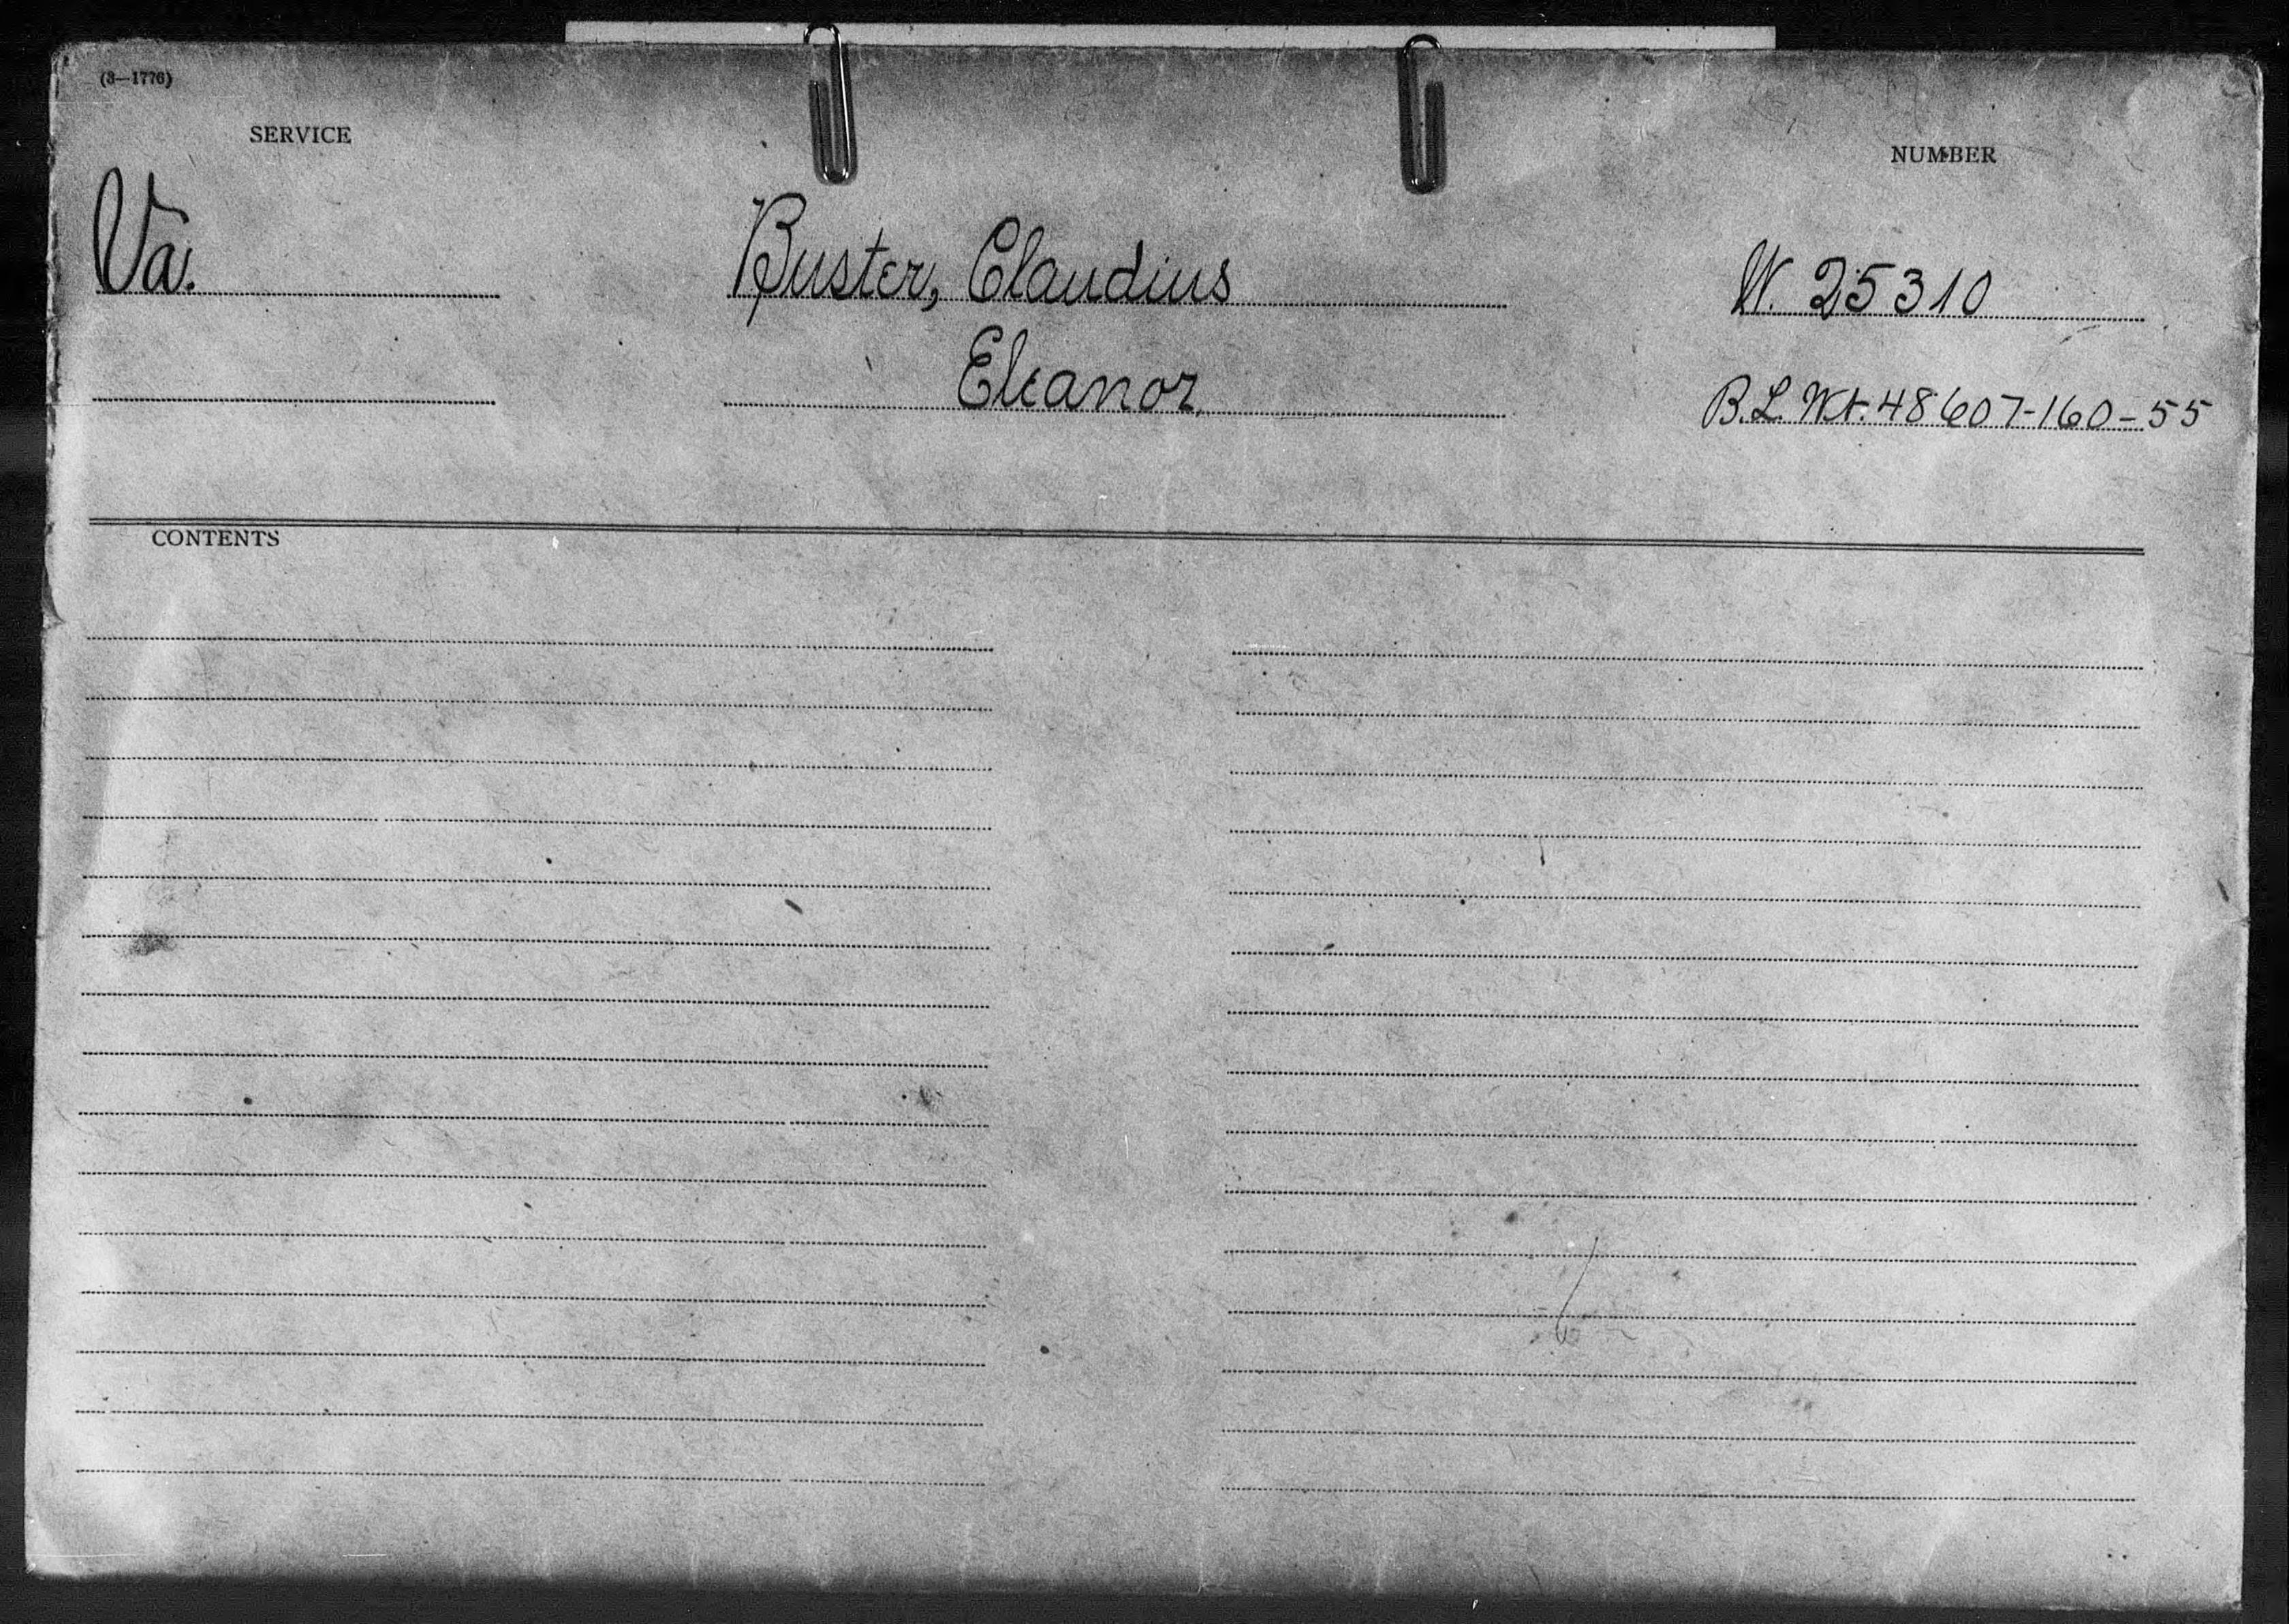(3-1776)

SERVICE
Va.

Buster, Claudius
Eleanor

NUMBER
W. 25310

B.L. Wt. 48607-160-55

CONTENTS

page: 1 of 71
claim: widow's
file: W. 25310, Claudius Buster, Va.